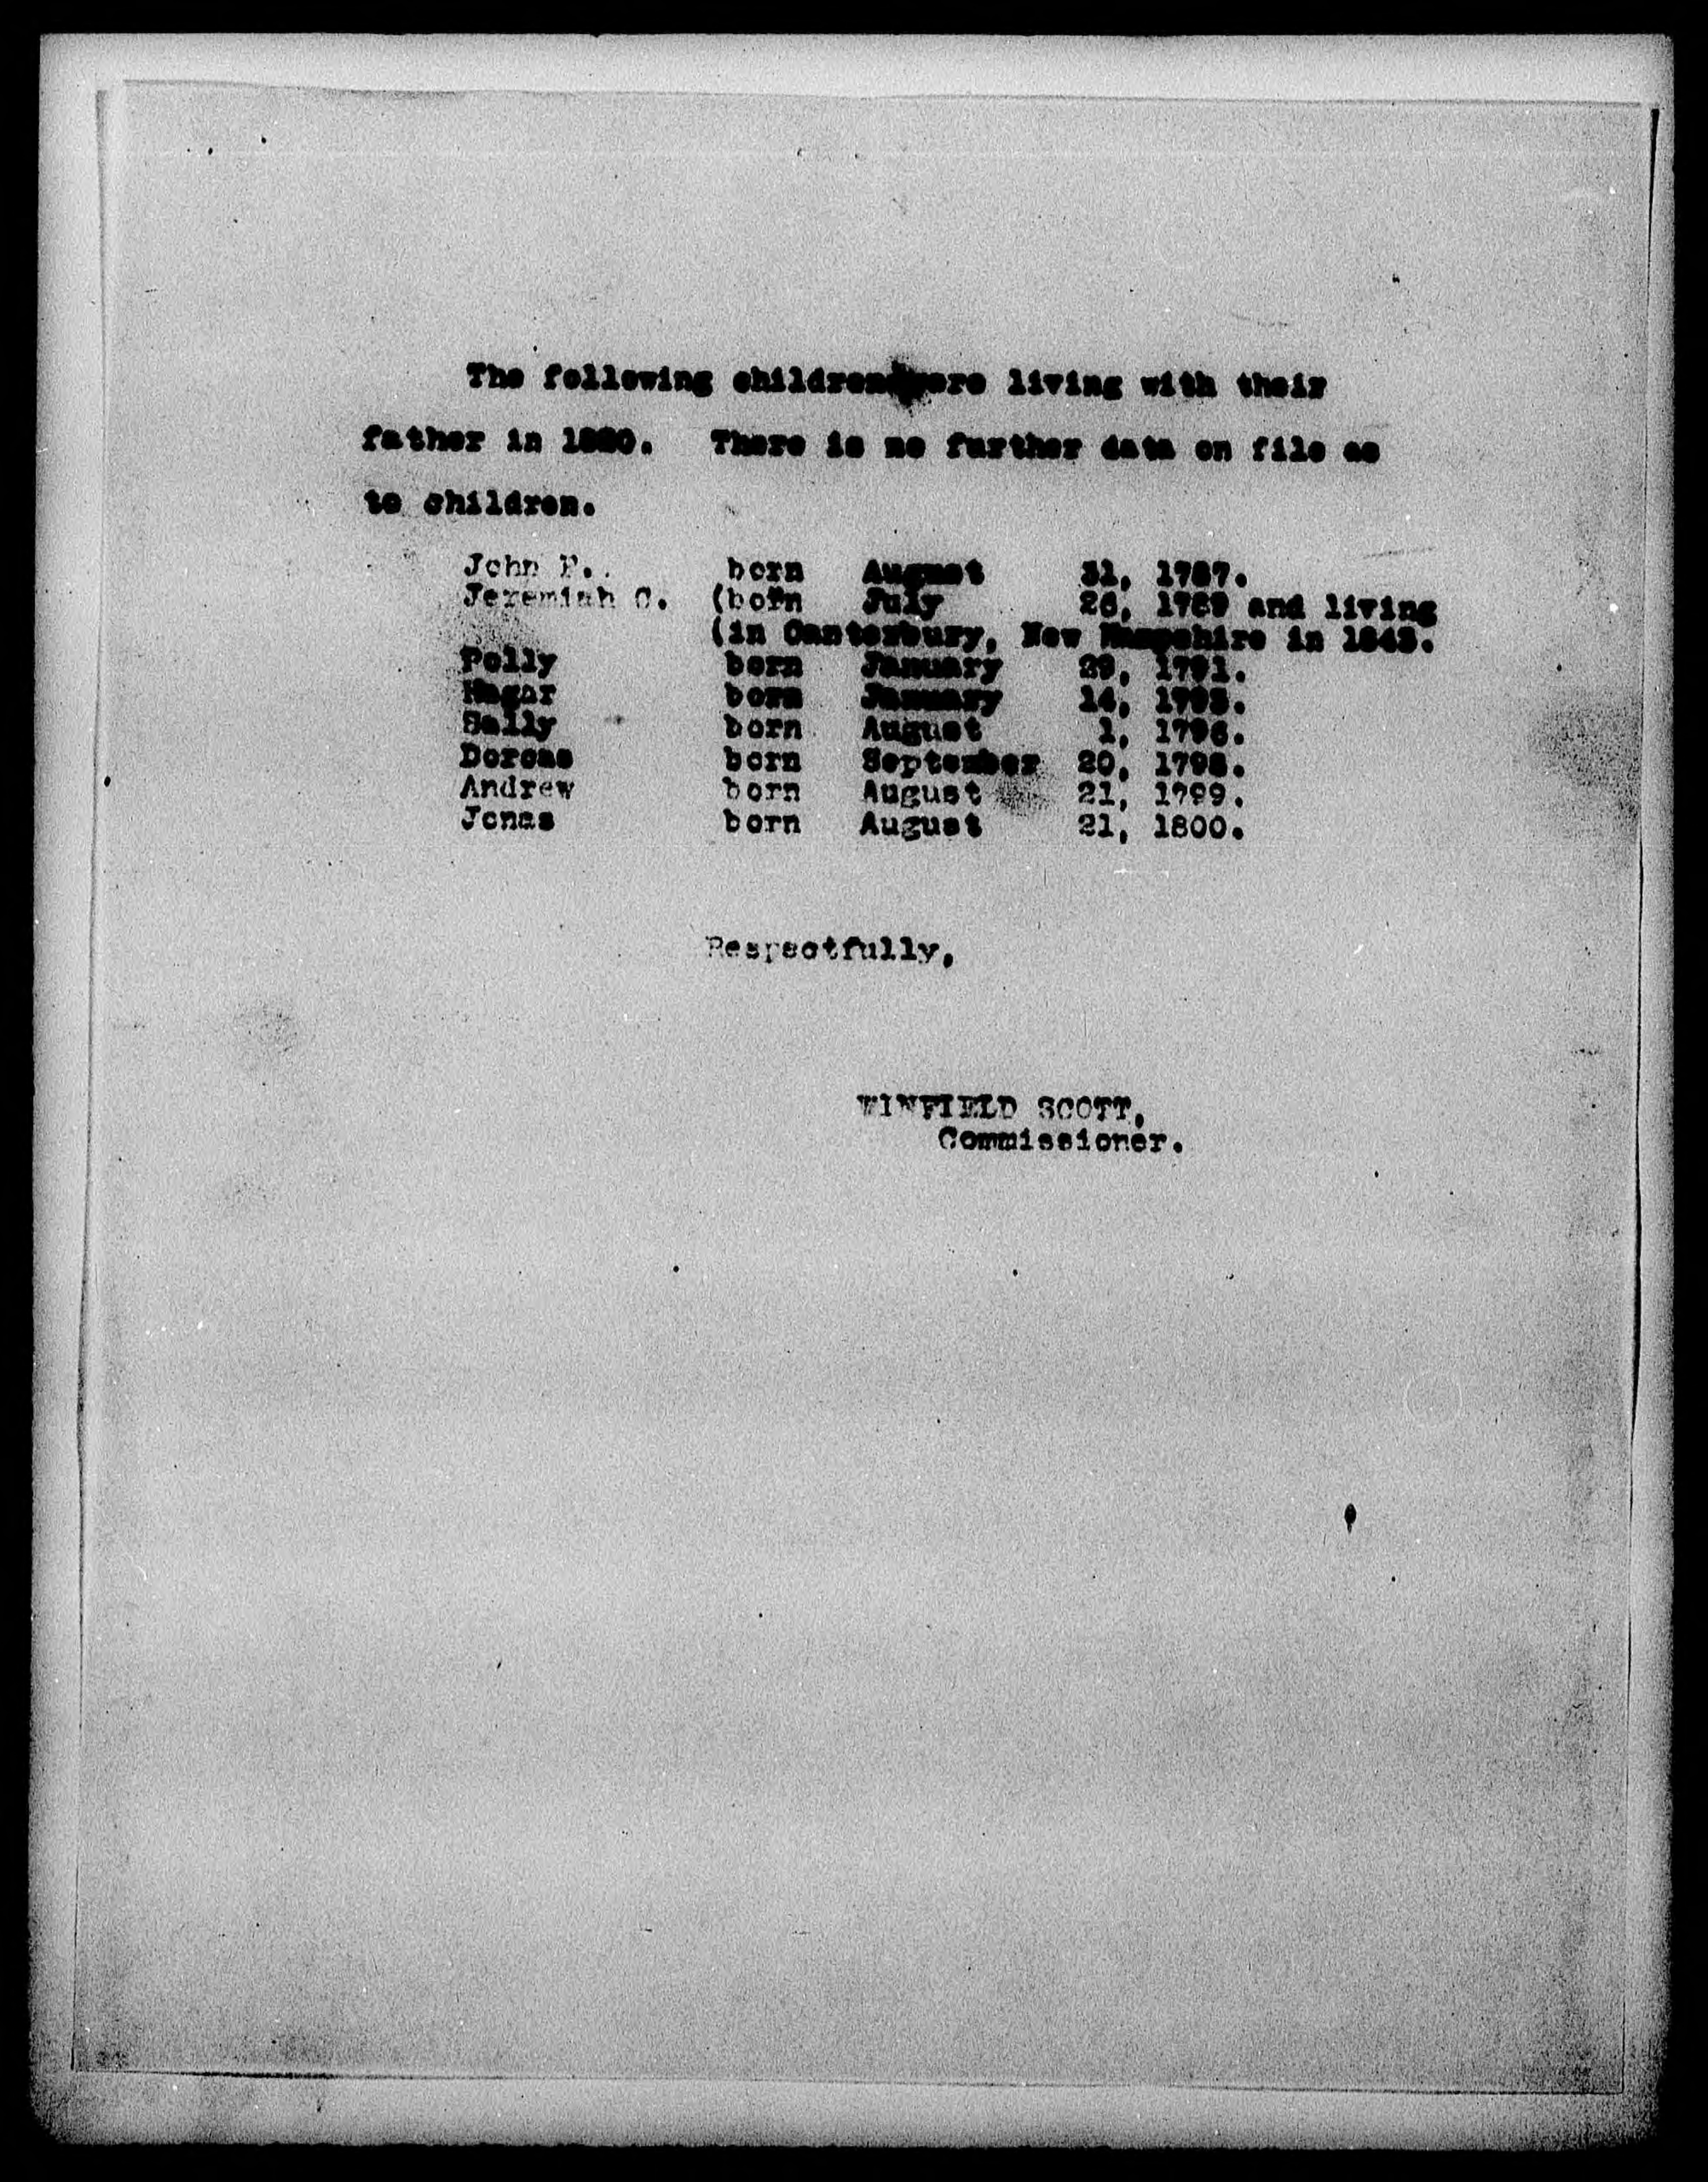The following children were living with their father in 1820. There is no further data on file as to children.

John F. born August 31, 1787.
Jeremiah C. born July 26, 1789 and living in Canterbury, New Hampshire in 1843.
Polly born January 29, 1791.
Hagar born January 14, 1793.
Sally born August 1, 1796.
Dorcas born September 20, 1798.
Andrew born August 21, 1799.
Jonas born August 21, 1800.

Respectfully,
Winfield Scott,
Commissioner.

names: John F, Polly, Jonas, Sally, Winfield Scott, Andrew, Hagar, Dorcas, Jeremiah C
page: 18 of 57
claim: widow's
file: W. 16,114, John Elliot, Continental (Mass) N.H.